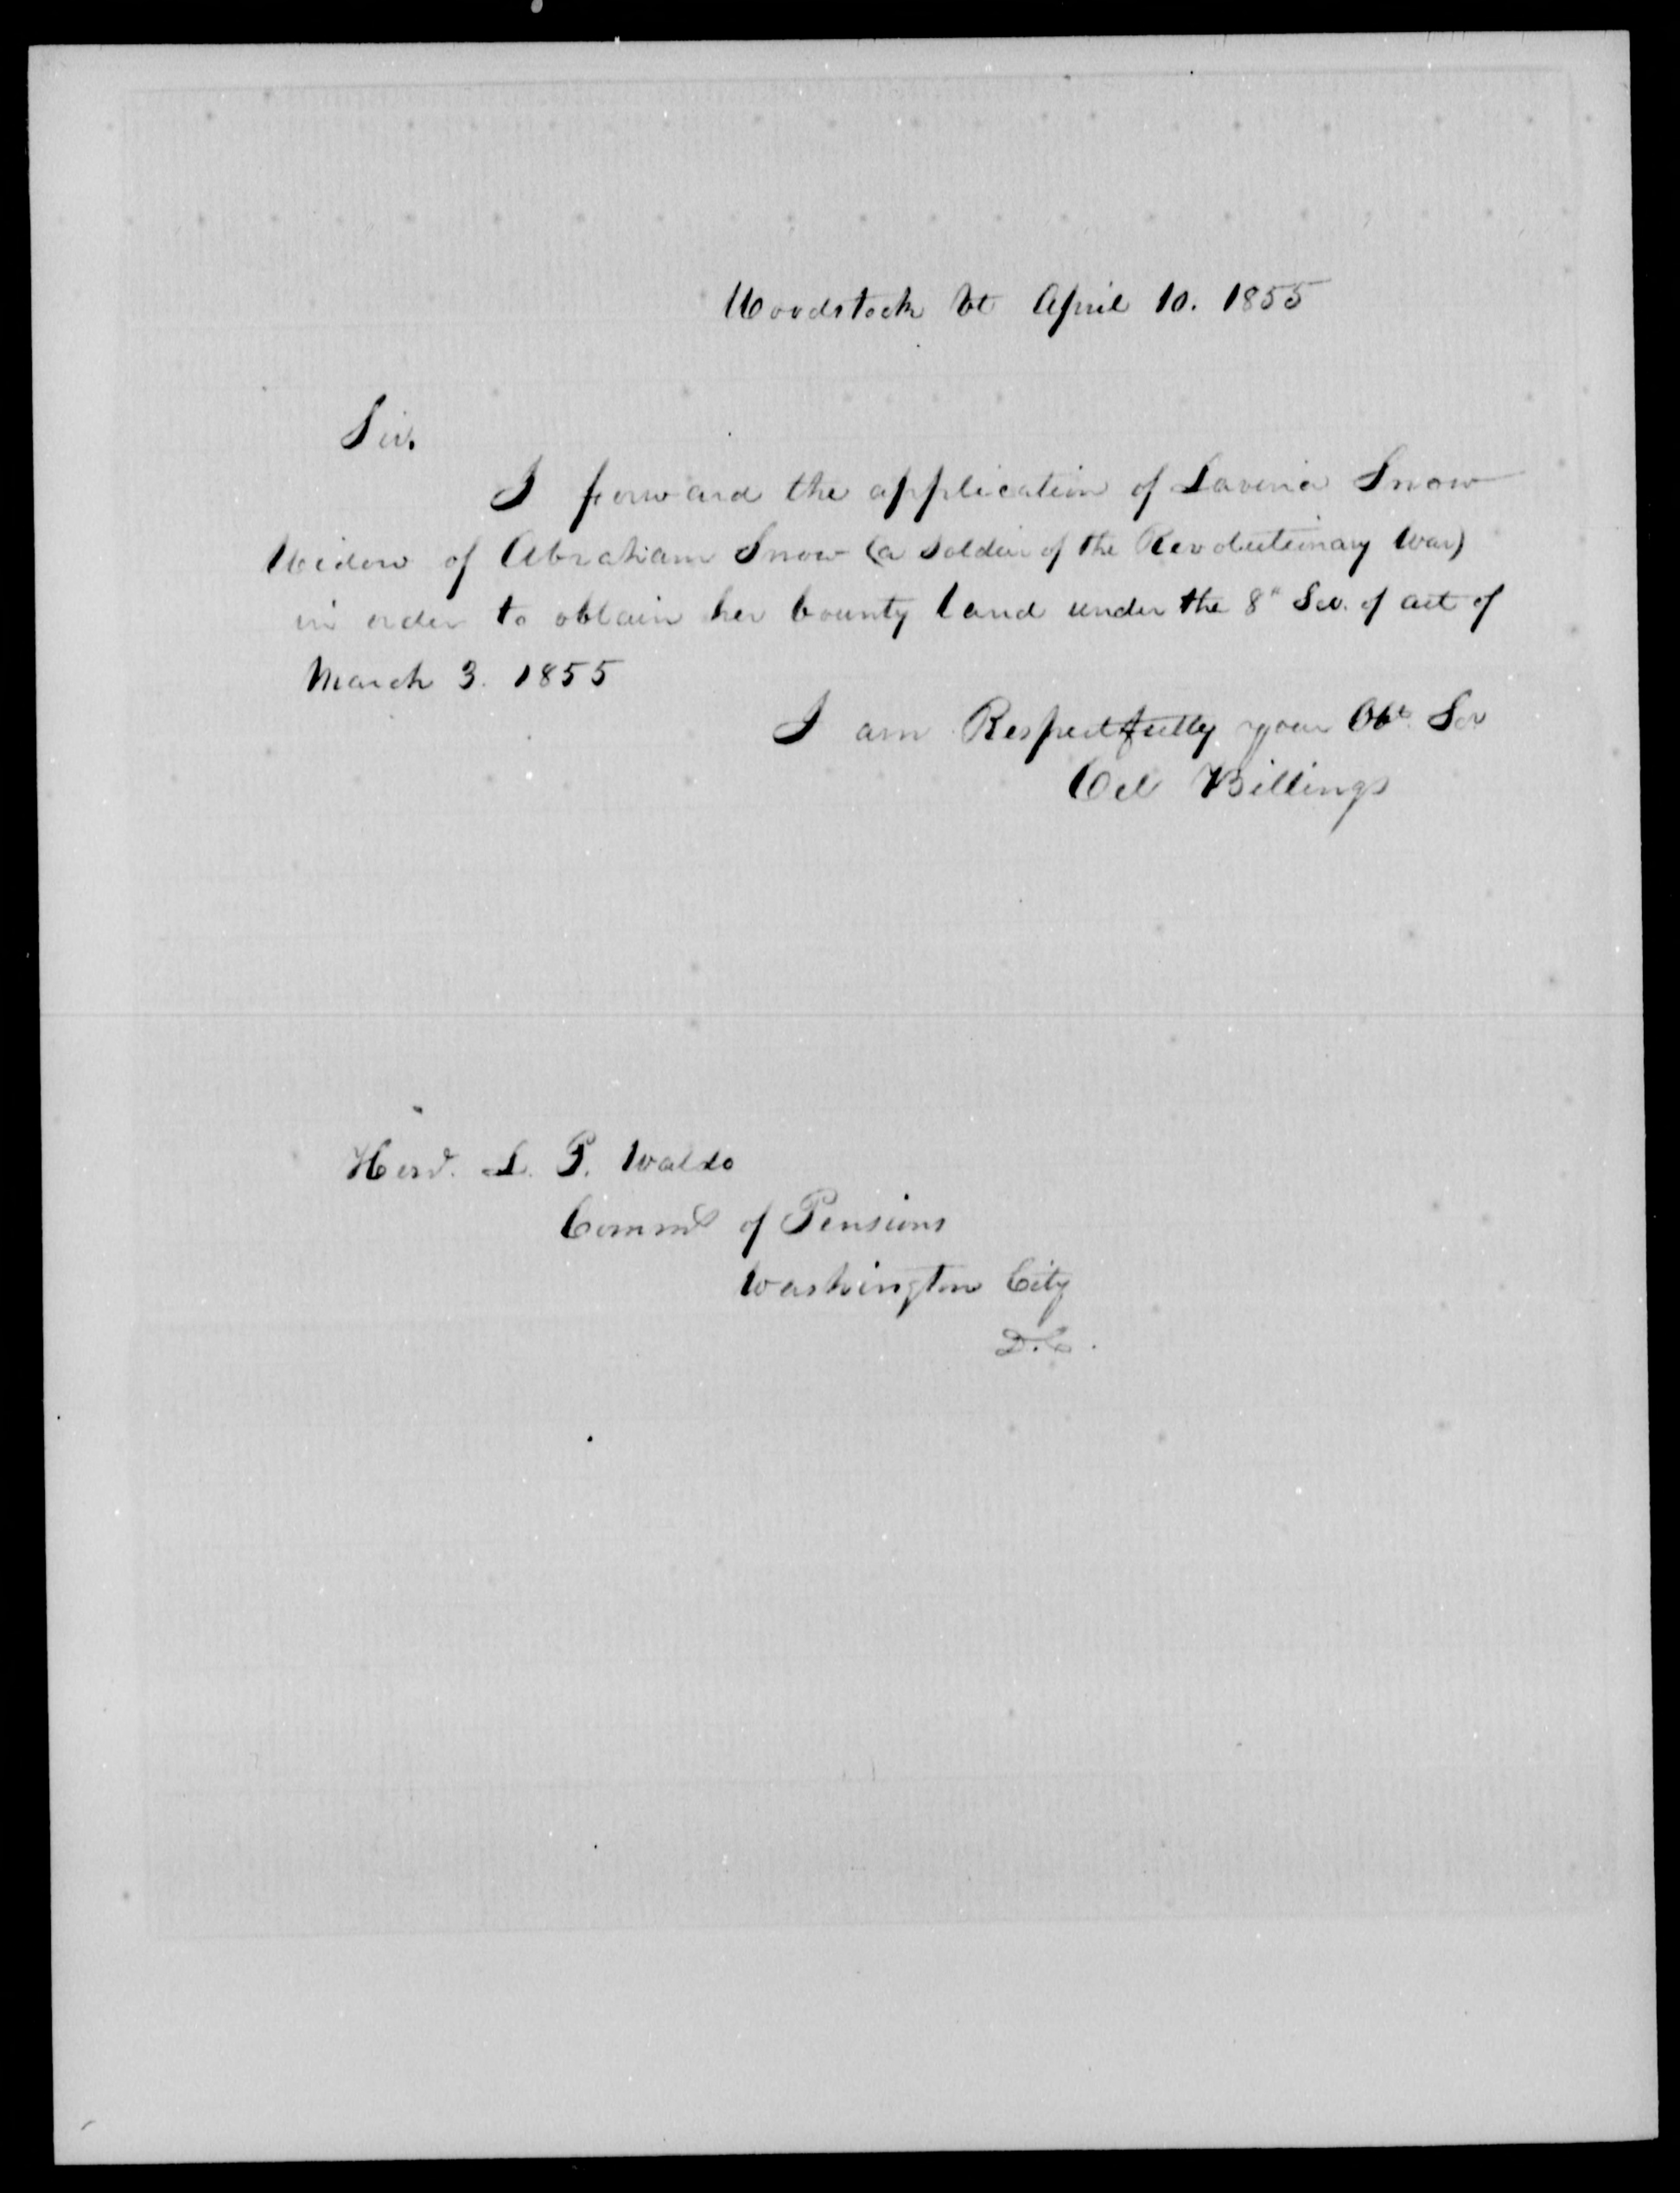Woodstock at April 10. 1855

Sir,
I forward the appreciation of Lavina Snow, widow of Abraham Snow (a soldier of the Revolutionary War) in order to obtain her bounty land under the 8th Sec. of act of March 3. 1855.

I am Respectfully your Ob. Ser.,
Oel Billings

Hent. L. P. Waldo
Office of Pensions
Washington City
D.C.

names: L P Waldo; Oel Billings; Abraham Snow; Lavina Snow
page: 44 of 46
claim: widow's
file: W. 504, for Abraham Snow, Connecticut